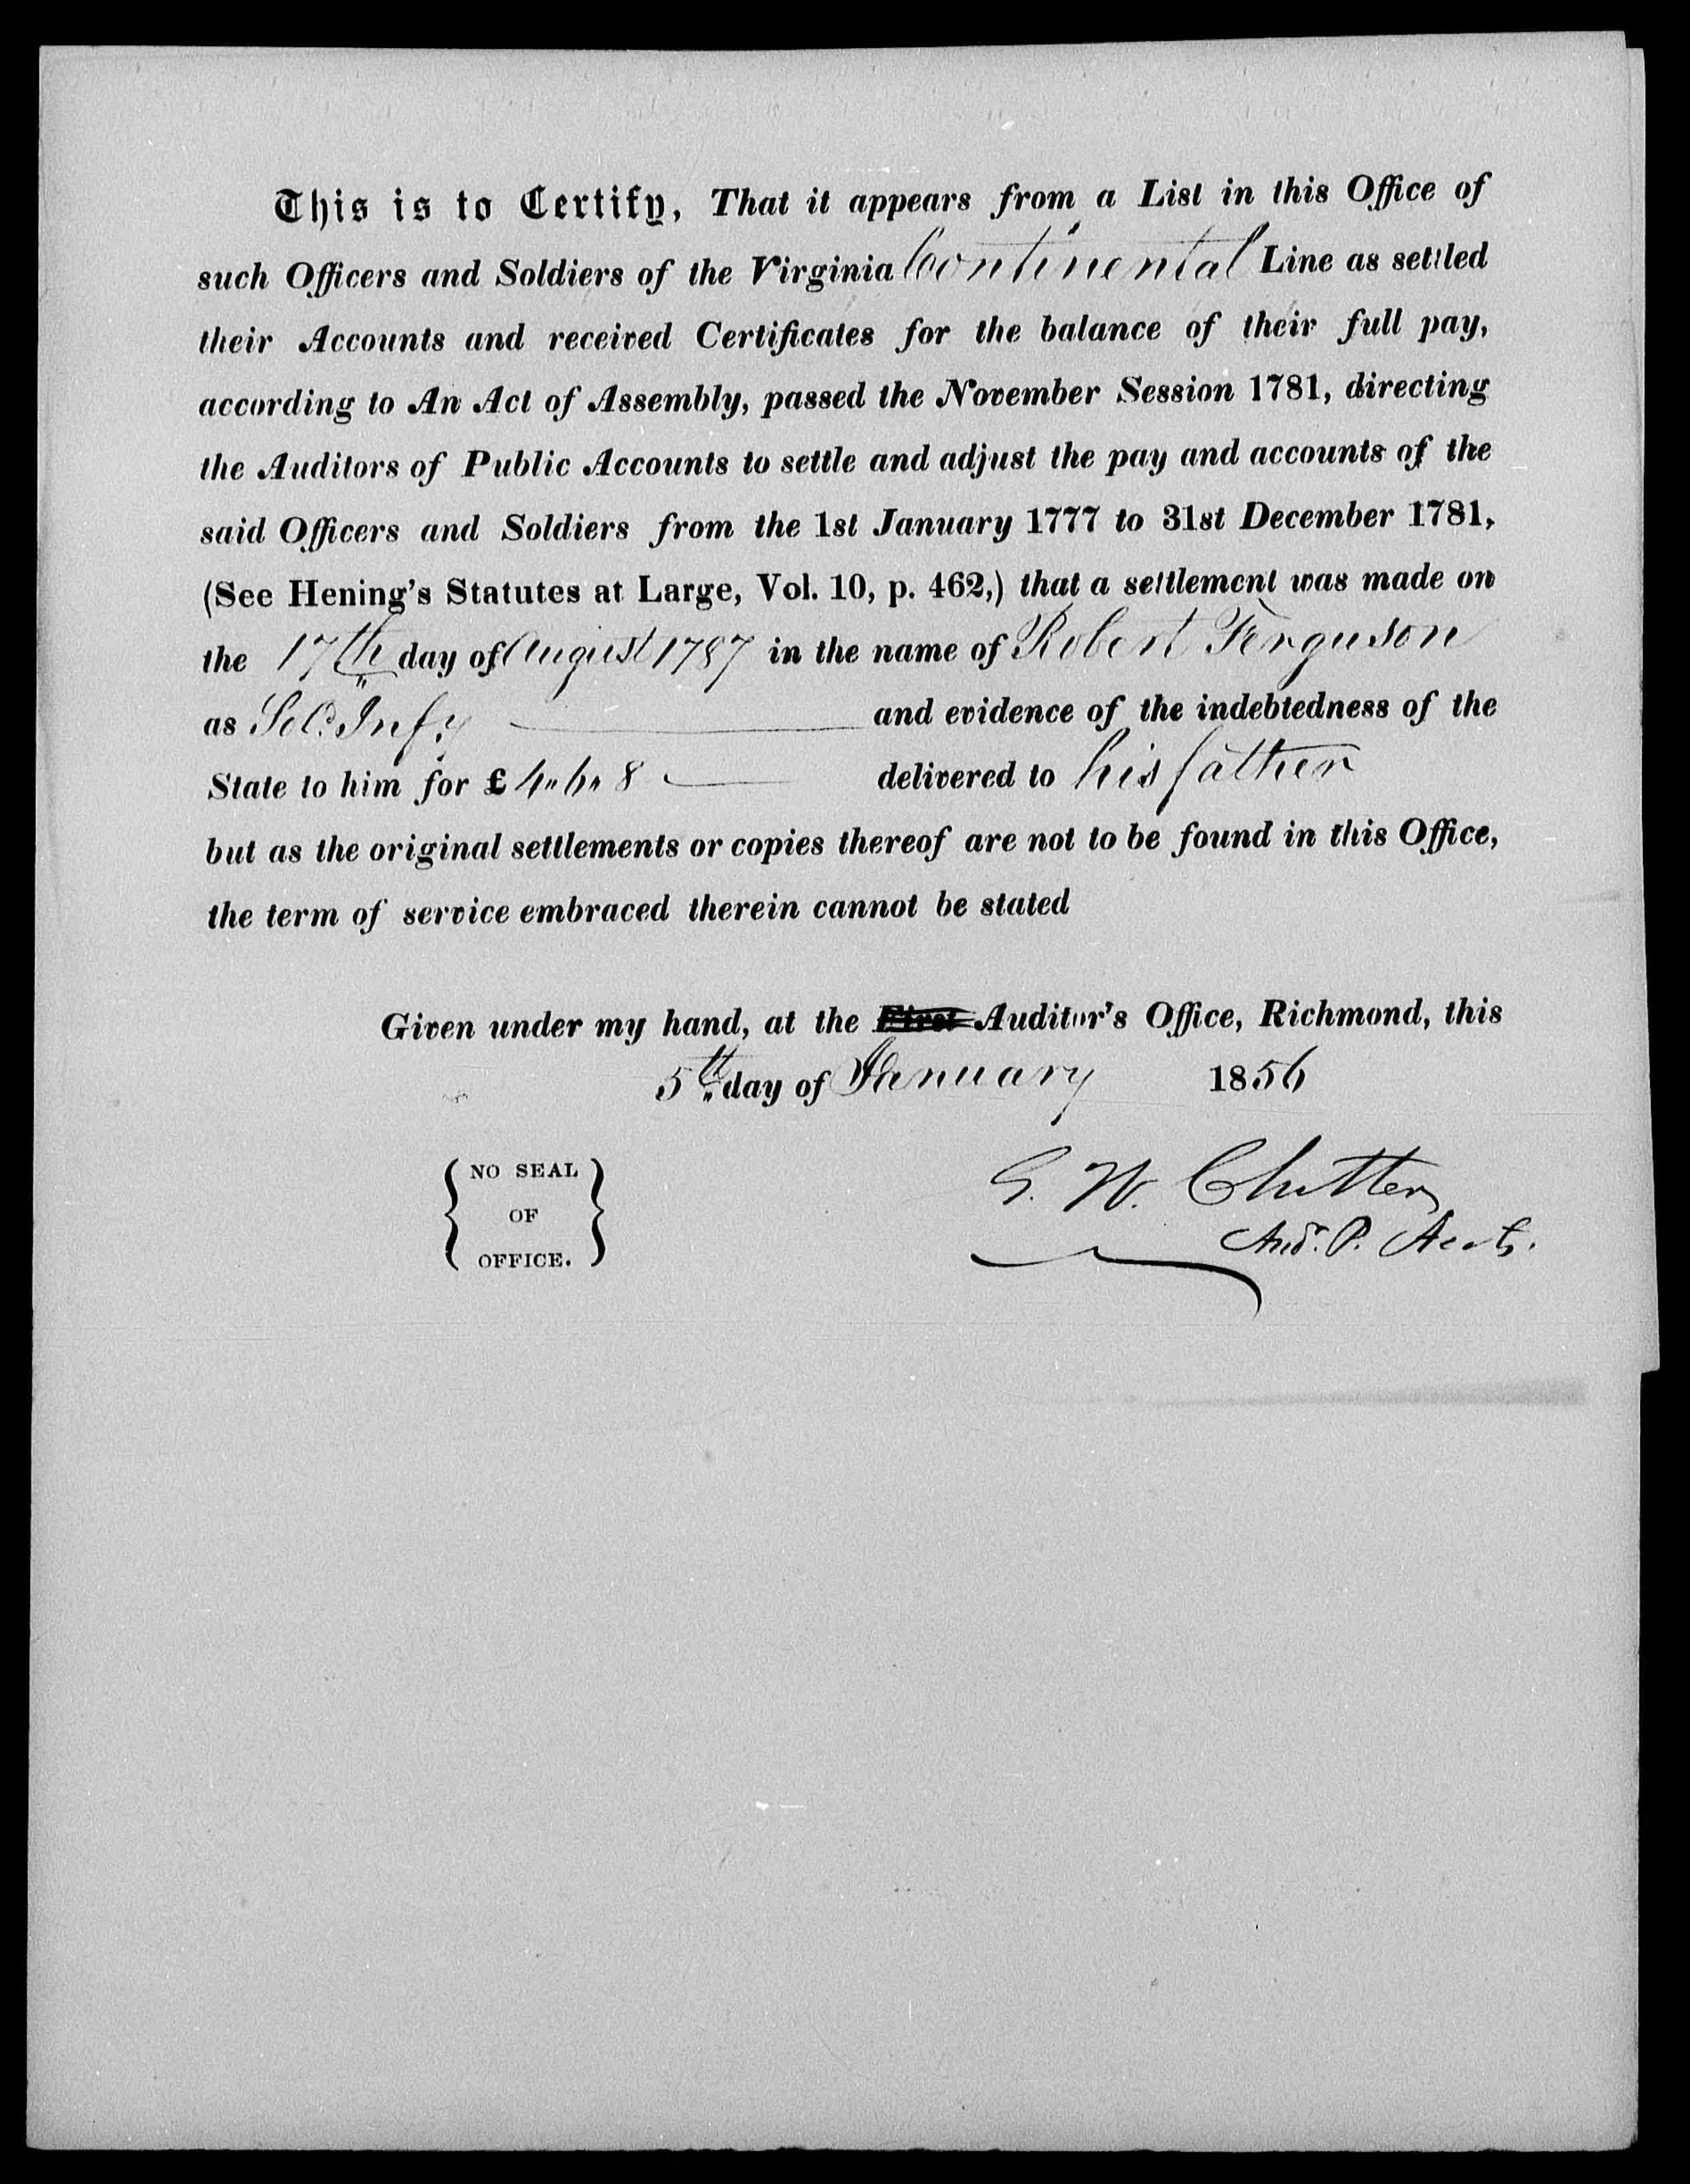This is to Certify, That it appears from a List in this Office of such Officers and Soldiers of the Virginia Continental [handwritten] Line as settled their Accounts and received Certificates for the balance of their full pay, according to An Act of Assembly, passed the November Session 1781, directing the Auditors of Public Accounts to settle and adjust the pay and accounts of the said Officers and Soldiers from the 1st January 1777 to 31st December 1781, (See Hening's Statutes at Large, Vol. 10, p.462,) that a settlement was made on the 17th [handwritten] day of August 1787 [handwritten] in the name of Robert Ferguson [handwritten] as Sol. Infy [handwritten with line following] and evidence of the indebtedness of the State to him for L 4n 6m 8 delivered to his father [handwritten] but as the original settlements or copies thereof are not to be found in this Office, the term of service embraced therein cannot be stated

Given under my hand, at the [word crossed out] Auditor's Office, Richmond, this 5th [handwritten] day of January 1856

{NO SEAL
     OF
 OFFICE}

G. W. Chitter [handwritten signature]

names: G W Chitter, Robert Ferguson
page: 31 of 81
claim: widow's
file: W. 7262, Robert Ferguson, Va.